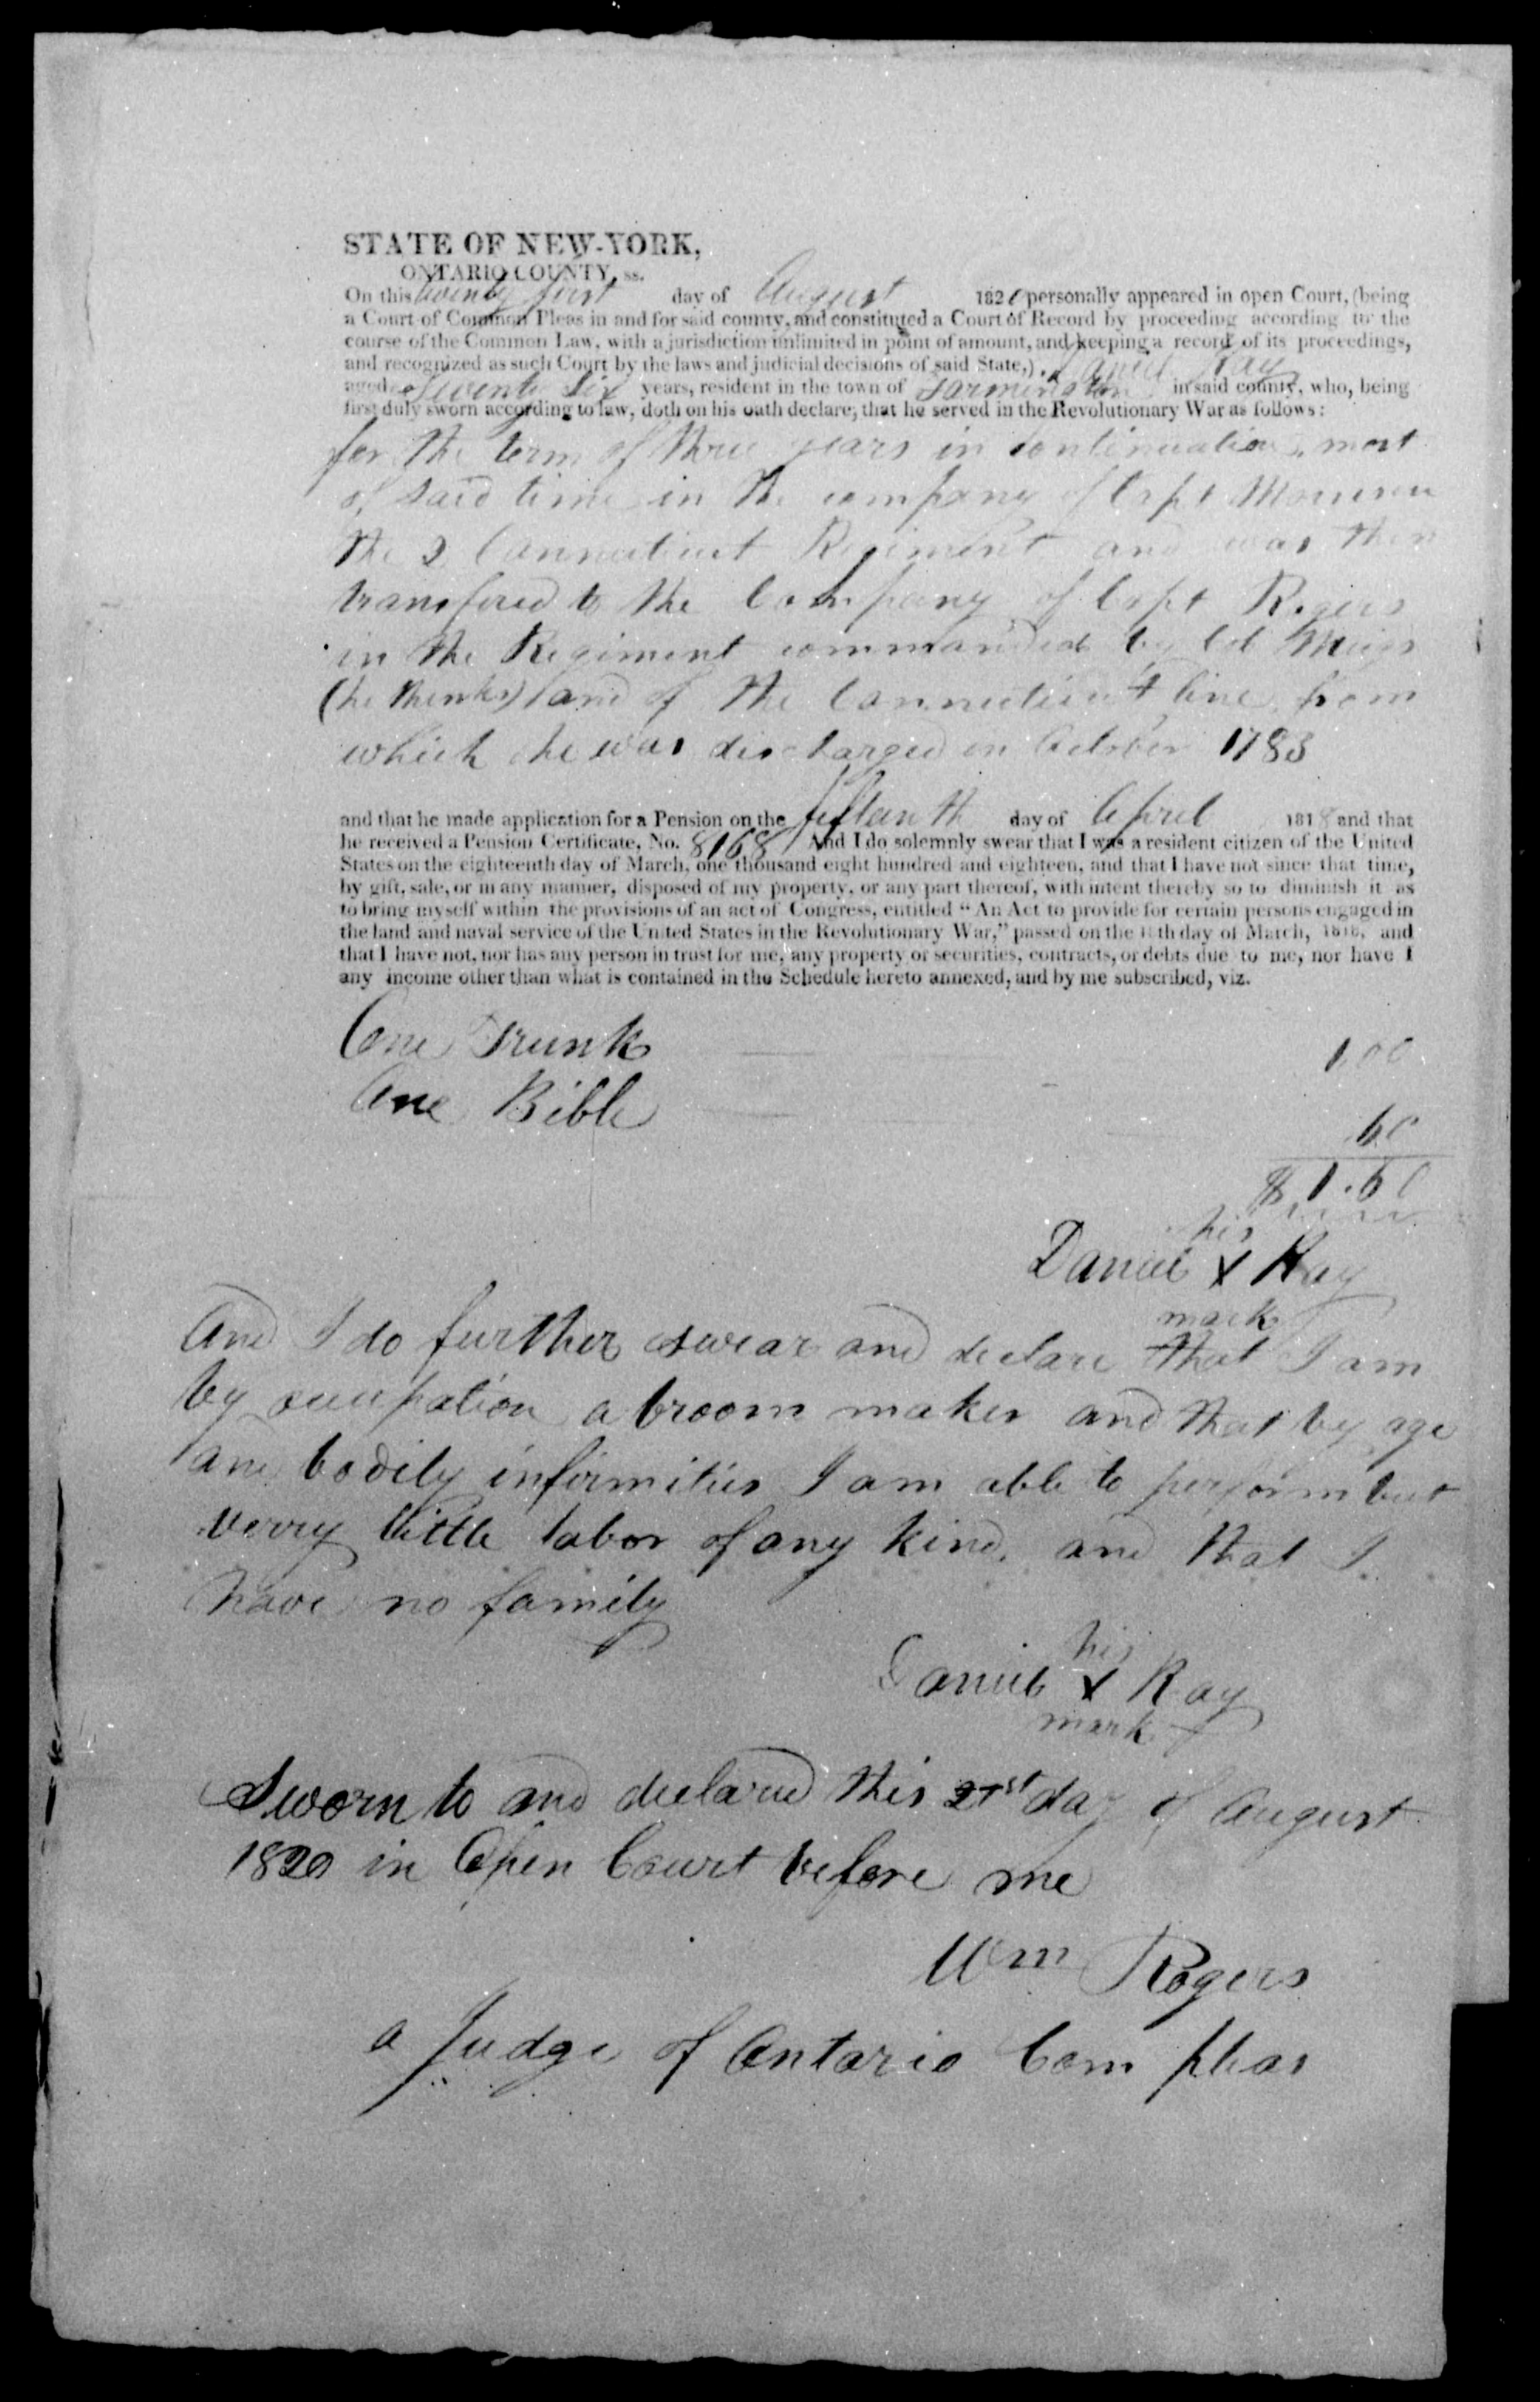STATE OF NEW YORK
ONTARIO COUNTY
On this Twenty first day of August 1820 personally appeared in open Court, (being a Court of Common Pleas in and for said County, and constituted a Court of Record by proceeding according to the course of the Common Law, with a jurisdiction unlimited in point of amount, and keeping a record of its proceedings, and recognized as such Court by the laws and judicial decisions of said State,). Daniel Ray aged Seventy Six years, resident in the town of Farmington in said county who, being first duly sworn according to law doth on his oath declare, that he served in the Revolutionary War as follows;
for the term of three years in continuation , most of Said time in the company of Capt Morrison the 2 Connecticut Regiment and was then transferred to the Company of Capt Rogers in the Regiment commanded by Col Meigs (he thinks) and of the Connecticut line from which he was discharged in October 1783
and that he made application for a Pension on the fifteenth day of April 1818 and that he received a Pension Certificate No 8168 And I do solemnly swear that I was a resident Citizen of the United States on the eighteenth day of March, one thousand eight hundred and eighteen, and that I have not since that time, by gift, sale, or in any manner, disposed of any property, or any part thereof, with intent thereby so to diminish it as to bring myself within the provisions of an act on Congress, entitled "An Act to provide for Certain persons Engaged in the land and naval service of the United States in Revolutionary War," passed  on the 18th day of March, 1818, and that I have not, nor has any person in trust for me, and property or securities, contracts, or debts due to me, nor have I any income other than what is contained in the Schedule hereto annexed-, and by me subscribed, viz.
One Trunk                                         1.00
One Bible                                               .60
                                                            $1.60
          his
Daniel X Ray 
       mark
And I do further swear and declare that I am by occupation a broom maker and that by age am bodily infirmities I am able to perform but very little labor of any kind, and that I have no family
             his
Daniel X Ray
        mark
Sworn to and declared this 21st day of August 1820 in Open Court before me
Wm Rogers
a Judge of Onatario Com pleas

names: [BLANK] Meigs; [BLANK] Rogers; Daniel Ray; Daniel Ray; Wm Rogers; Daniel Ray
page: 12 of 20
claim: survivor's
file: S. 43891, for Daniel Ray, Connecticut